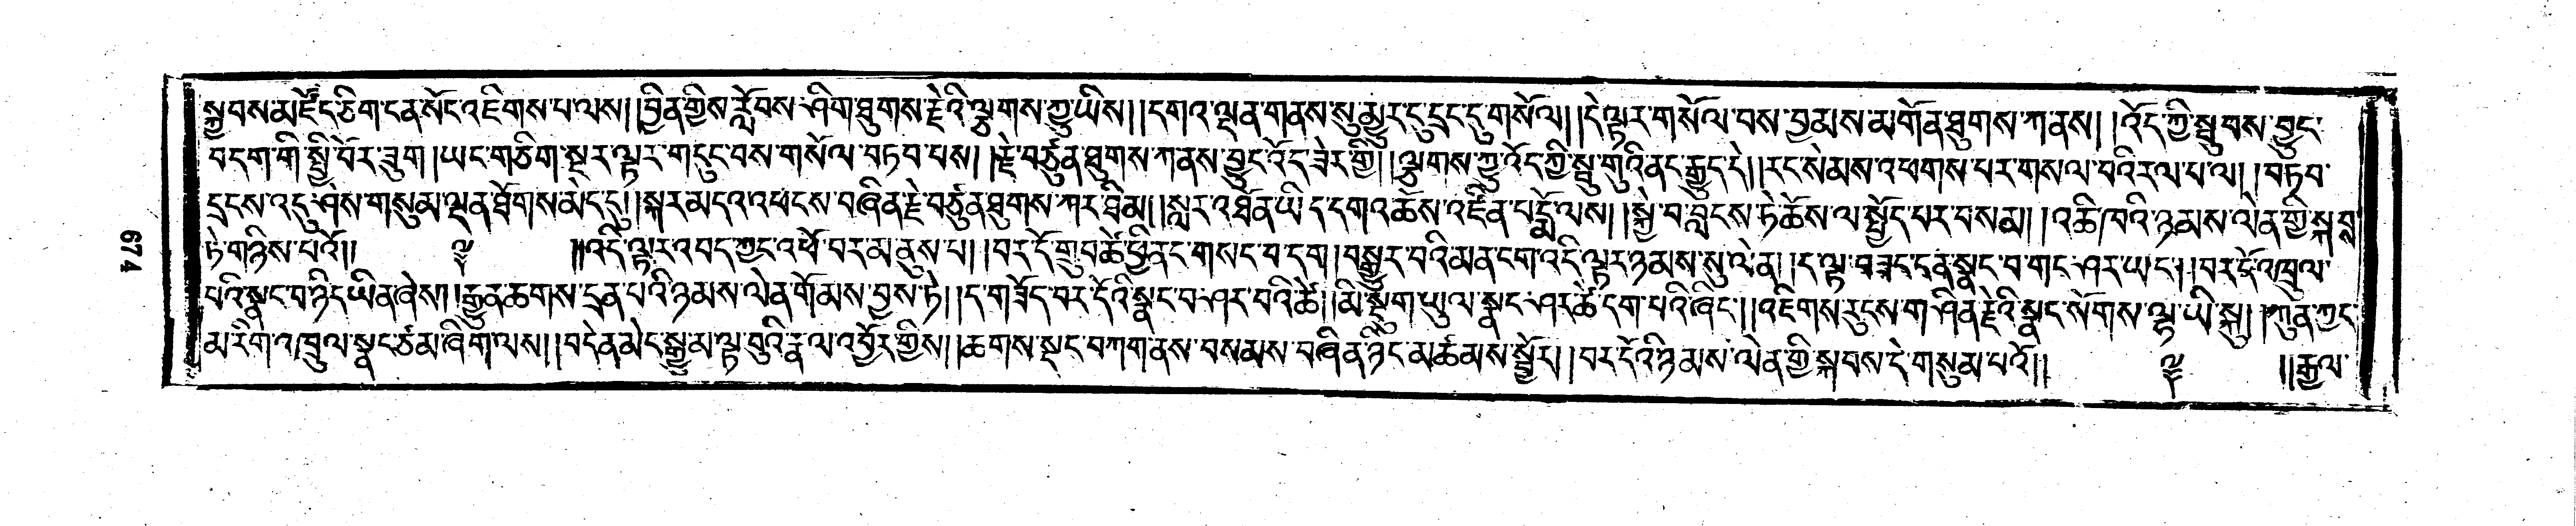སྐྱབས་མཛོད་ཅིག་ངན་སོང་འཇིགས་པ་ལས། །བྱིན་གྱིས་རློབས་ཤིག་ཐུགས་རྗེའི་ལྕགས་ཀྱུ་ཡིས། །དགའ་ལྡན་གནས་སུ་མྱུར་དུ་དྲང་དུ་གསོལ། །དེ་ལྟར་གསོལ་བས་བྱམས་མགོན་ཐུགས་ཀ་ནས། །འོད་ཀྱི་སྦུབས་བྱུང་
བདག་གི་སྤྱི་བོར་ཟུག །ཡང་གཅིག་སྔར་ལྟར་གདུང་བས་གསོལ་བཏབ་པས། །རྗེ་བཙུན་ཐུགས་ཀ་ནས་བྱུང་འོད་ཟེར་གྱི། །ལྕགས་ཀྱུ་འོད་ཀྱི་སྦུ་གུའི་ནང་རྒྱུད་དེ། །རང་སེམས་འཕགས་པར་གསལ་བའི་རལ་པ་ལ། །བཏབ་
དྲངས་འདུ་ཤེས་གསུམ་ལྡན་ཐོགས་མེད་དུ། །སྐར་མདའ་འཕངས་བཞིན་རྗེ་བཙུན་ཐུགས་ཀར་ཐིམ། །སླར་འཐོན་ཡིད་དགའ་ཆོས་འཛིན་པདམོ་ལས། །སྐྱེ་བ་བླངས་ཏེ་ཆོས་ལ་སྤྱོད་པར་བསམ། །འཆི་ཁའི་ཉམས་ལེན་གྱི་སྐབས་
ཏེ་གཉིས་པའོ།། ༈ །།འདི་ལྟར་འབད་ཀྱང་འཕོ་བར་མ་ནུས་པ། །བར་དོ་གྲུབ་ཚེ་ཕྱི་ནང་གསང་བ་དག །བསྒྱུར་བའི་མན་ངག་འདི་ལྟར་ཉམས་སུ་ལེན། །ད་ལྟ་བཟང་ངན་སྣང་བ་གང་ཤར་ཡང་། །བར་དོ་འཁྲུལ་
པའི་སྣང་བ་ཉིད་ཡིན་ཞེས། །རྒྱུན་ཆགས་དྲན་པའི་ཉམས་ལེན་གོམས་བྱས་ཏེ། །ད་གཟོད་བར་དོའི་སྣང་བ་ཤར་བའི་ཚེ། །མི་སྡུག་ཡུལ་སྣང་ཤར་ཚེ་དག་པའི་ཞིང་། །འཇིགས་རུངས་གཤིན་རྗེའི་སྣང་སོགས་ལྷ་ཡི་སྐུ། །ཀུན་ཀྱང་
མ་རིག་འཁྲུལ་སྣང་ཙམ་ཞིག་ལས། །བདེན་མེད་སྒྱུ་མ་ལྟ་བུའི་རྣལ་འབྱོར་གྱིས། །ཆགས་སྡང་བཀག་ནས་བསམས་བཞིན་ཉིང་མཚམས་སྦྱོར། །བར་དོའི་ཉམས་ལེན་གྱི་སྐབས་དེ་གསུམ་པའོ།། ༈ །།རྒྱལ་